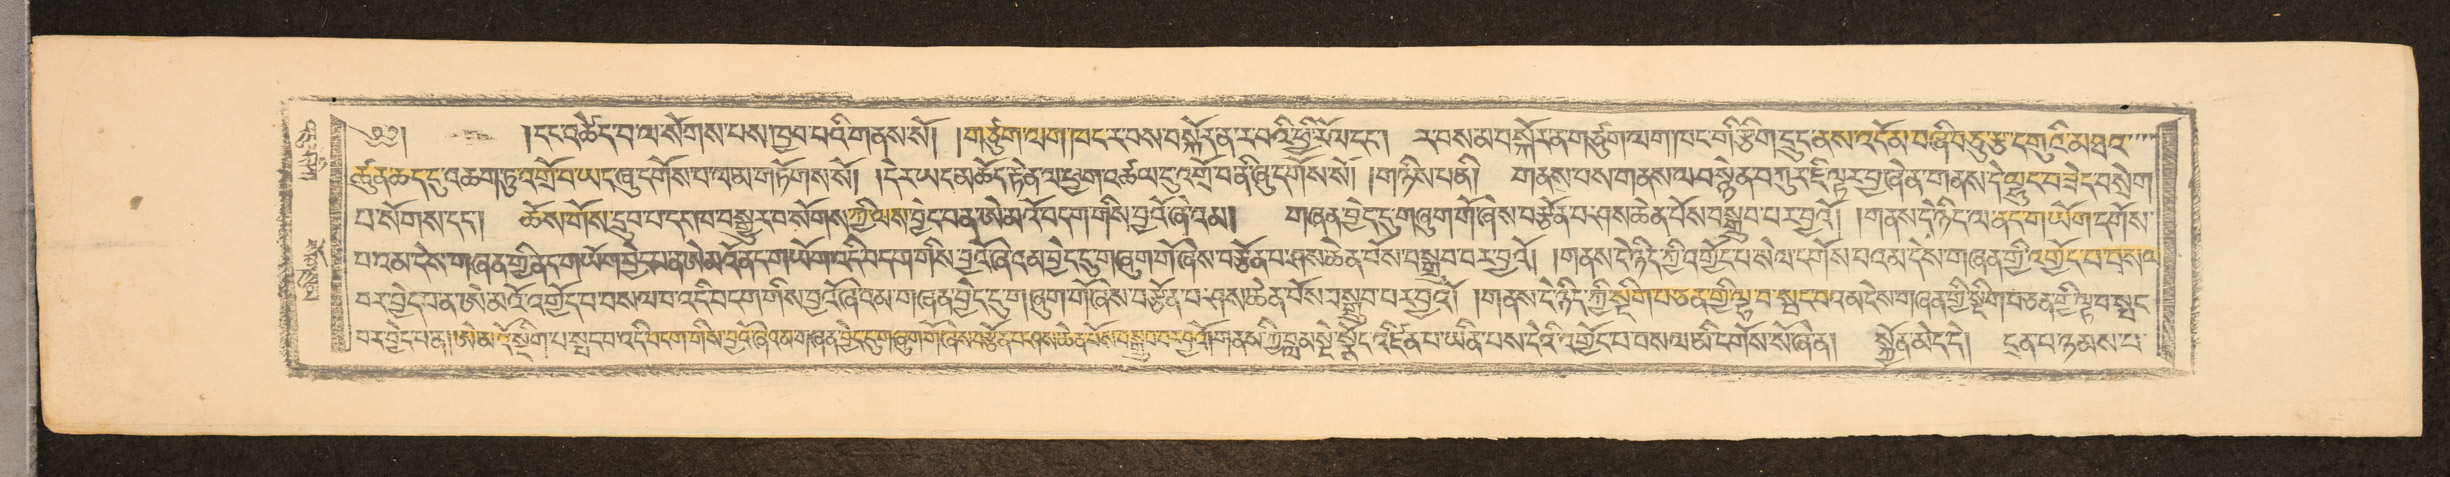༄༅། །དང་འཚེད་པ་ལ་སོགས་པས་ཁྱབ་པའི་གནས་སོ། །གཙུག་ལག་ཁང་ར་བས་བསྐོར་ན་ར་བའི་ཕྱི་རོལ་དང་། ར་བས་མ་བསྐོར་ན་གཙུག་ལག་ཁང་གི་རྩིག་དྲུང་ནས་འདོམ་བཞི་བཅུ་རྩ་དགུའི་མཐའ་
ཚུན་ཆད་དུ་འཆག་ཏུ་འགྲོ་བ་ཡང་ཞུ་དགོས་པ་ལ་མ་གཏོགས་སོ། །དེར་ཡང་མཆོད་རྟེན་ལ་ཕྱག་འཚལ་དུ་འགྲོ་བ་ནི་ཞུ་དགོས་སོ། །གཉིས་པ་ནི། གནས་པས་གནས་ལ་བསྙེན་བཀུར་ཇི་ལྟར་བྱ་ཞེ་ན་གནས་དེ་ལྷུང་བཟེད་བསྲག་
པ་སོགས་དང་། ཆོས་གོས་དྲུབ་པ་དང་ཁ་བསྒྱུར་བ་སོགས་ཀྱི་ལས་བྱེད་པ་ན་ཨེ་མའོ་བདག་གིས་བྱའོ་ཞེ་འམ། གཞན་བྱེད་དུ་གཞུག་གོ་ཞེས་བརྩོན་པ་ཤས་ཆེན་པོས་བསྒྲུབ་པར་བྱའོ། །གནས་དེ་ཉིད་ལ་ནད་གཡོག་དགོས་
པ་འམ་དེས་གཞན་གྱི་ནད་གཡོག་བྱེད་པ་ན་མེ་མའོ་ནད་གཡོག་འདི་བདག་གིས་བྱའོ་ཞེ་འམ་བྱེད་དུ་གཞུག་གོ་ཞེས་བརྩོན་པ་ཤས་ཆེན་པོས་བསྒྲུབ་པར་བྱའོ། །གནས་དེ་ཉིད་ཀྱི་འགྱོད་པ་སེལ་དགོས་པའམ་དེས་གཞན་གྱི་འགྱོད་པ་བསལ་
བར་བྱེད་པ་ན་ཨེ་མའོ་འགྱོད་པ་བསལ་བ་འདི་བདག་གིས་བྱའོ་ཞེའམ་གཞན་བྱེད་དུ་གཞུག་གོ་ཞེས་བརྩོན་པ་ཤས་ཆེན་པོས་བསྒྲུབ་པར་བྱའོ། །གནས་དེ་ཉིད་ཀྱི་སྡིག་པ་ཅན་གྱི་ལྟ་བ་སྤང་བའམ་དེས་གཞན་གྱི་སྡིག་པ་ཅན་གྱི་ལྟ་བ་སྤང་
བར་བྱེད་པ་ན། ཨེ་མའོ་སྡིག་པ་སྤང་བ་འདི་བདག་གིས་བྱའོ་ཞེའམ་གཞན་བྱེད་དུ་གཞུག་གོ་ཞེས་བརྩོན་པ་ཤེས་ཆེན་པོས་བསྒྲུབ་པར་བྱའོ། གནས་ཀྱི་བླ་མ་སྡེ་སྣོད་འཛིན་པ་ཡིན་པས་དེའི་འགྱོད་པ་བསལ་མི་དགོས་སོ་ཞེ་ན། སྐྱོན་མེད་དེ། དྲན་པ་ཉམས་པ་